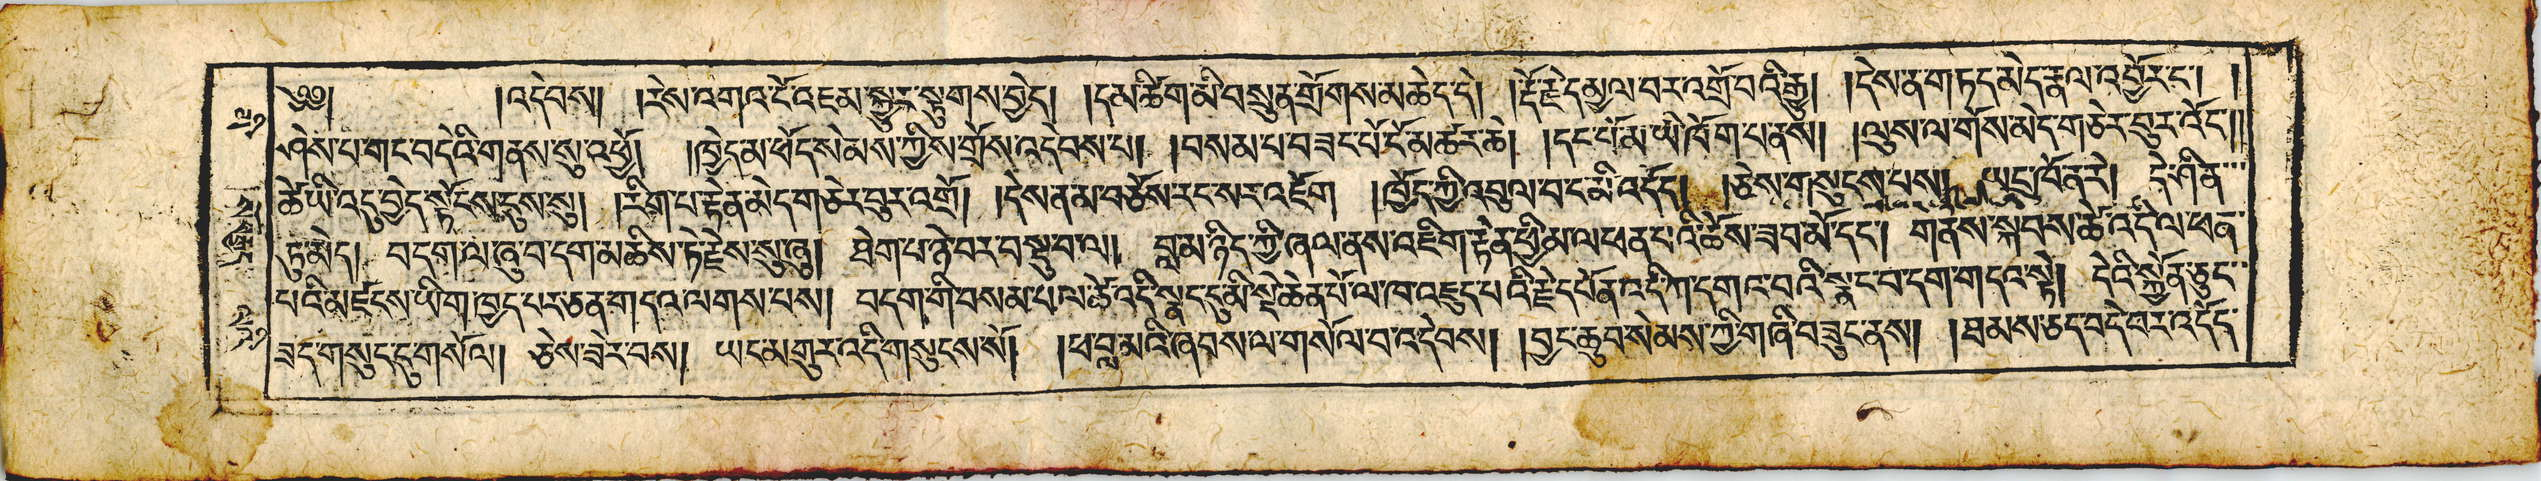།འདེབས། །རེས་འགའ་ངོ་འཇམ་སྐྱུར་སྙུགས་བྱེད། །དམ་ཚིག་མི་བསྲུང་གྲོགས་མཆེད་དེ། །རྡོ་རྗེ་དམྱལ་བར་འགྲོ་བའི་རྒྱུ། །དེས་ན་གཏད་མེད་རྣལ་འབྱོར་ང་། །
ཤེས་པ་གང་བདེའི་གནས་སུ་འཕྱོ། །ཁྱེད་མ་ཕོད་སེམས་ཀྱིས་གྲོས་འདེབས་པ། །བསམ་པ་བཟང་པོ་ངོ་མཚར་ཆེ། །དང་པོ་མ་ཡི་ཁོག་པནས། །ལུས་ལ་གོས་མེད་གཅེར་བུར་འོང་། །
ཚེ་ཡི་འདུ་བྱེད་སྟོངས་དུས་སུ། །རིག་པ་རྟེན་མེད་གཅེར་བུར་འགྲོ། །དེས་ན་མ་བཅོས་རང་སར་འཇོག །ཁྱོད་ཀྱི་འབུལ་བ་ང་མི་འདོད། །ཅེས་གསུངས་པས། ཡང་ཁོ་ན་རེ། དེ་ཤིན་
ཏུ་མད། བདག་ལ་ཞུ་བ་དག་མཆིས་ཏེ་རྗེས་སུ་ཞུ། ཐེག་པ་ཉེ་བར་བསྡུ་བ་ལ། བླ་མ་ཉིད་ཀྱི་ཞལ་ནས་འཇིག་རྟེན་ཕྱི་མ་ལ་ཕན་པའི་ཆོས་ཟབ་མོ་དང་། གནས་སྐབས་ཚེ་འདི་ལ་ཕན་
པའི་མཛངས་ཡིག་ཁྱད་པར་ཅན་གདའ་ལགས་པས། བདག་གི་བསམ་པ་ལ་ཚེ་འདི་སྣང་དུ་མི་སྡེ་ཆེན་པོ་ལ་ཁ་འཛུད་པའི་རྗེ་དཔོན་འདི་ཀ་དགའ་བའི་སྣང་བ་དག་གདའ་སྟེ། དེའི་སྐྱོན་ཅུང་
ཟད་གསུང་དུ་གསོལ། ཅེས་ཟེར་བས། ཡང་མགུར་འདི་གསུངས་སོ། །ཕ་བླ་མའི་ཞབས་ལ་གསོལ་བ་འདེབས། །བྱང་ཆུབ་སེམས་ཀྱི་གཞི་བཟུང་ནས། །ཐམས་ཅད་བདེ་བར་འདོད་